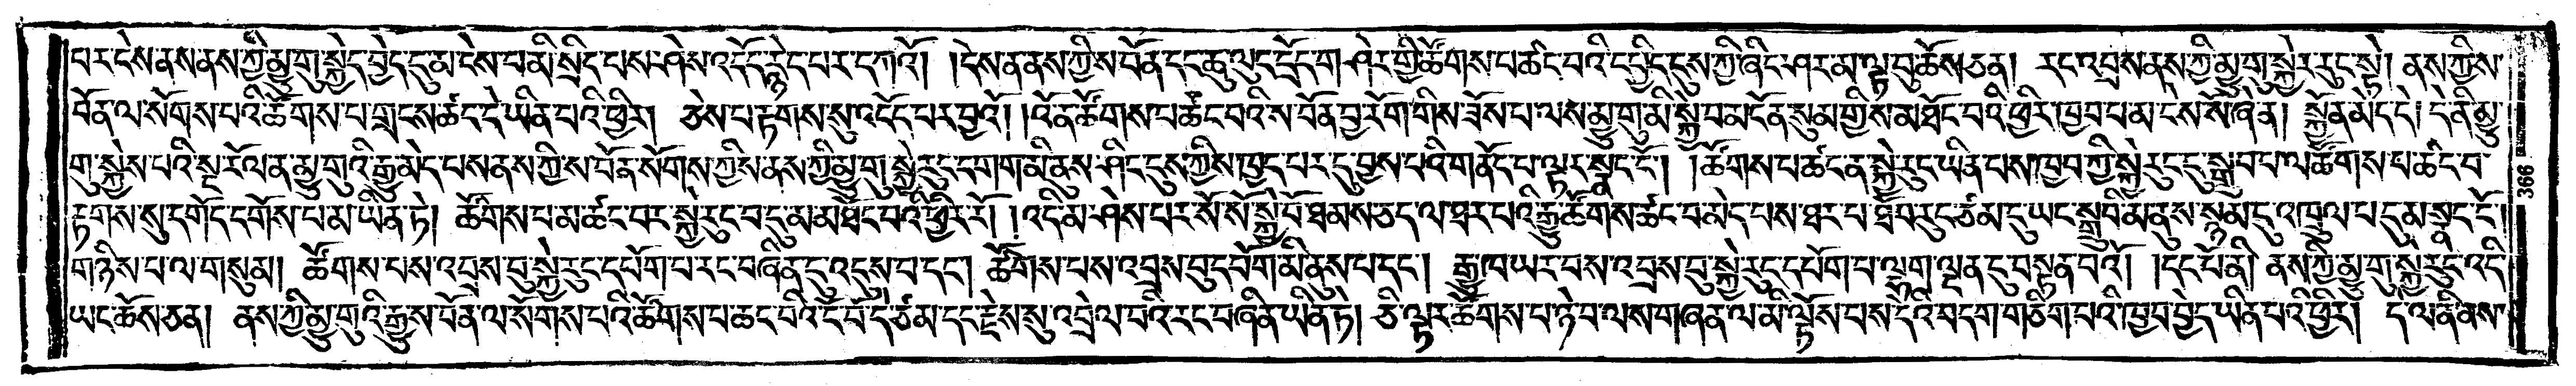པར་ངེས་ནས་ནས་ཀྱི་མྱུ་གུ་སྐྱེད་བྱེད་དུ་མ་ངེས་པ་མི་སྲིད་པས་ཤེས་འདོད་རྙེད་པར་དཀའོ། །དེས་ན་ནས་ཀྱི་ས་བོན་དང་ཆུ་ལུང་དྲོད་གཤེར་གྱི་ཚོགས་པ་ཚང་བའི་དཔྱིད་དུས་ཀྱི་ཞིང་ཤར་མ་ལྟ་བུ་ཆོས་ཅན། རང་འབྲས་ནས་ཀྱི་མྱུ་གུ་སྐྱེར་རུང་སྟེ། ནས་ཀྱིས་
བོན་ལ་སོགས་པའི་ཚོགས་པ་གྲངས་ཚད་དེ་ཡིན་པའི་ཕྱིར། ཅེས་པ་རྟགས་སུ་འདོད་པར་བྱའོ། །འོ་ན་ཚོགས་པ་ཚང་བའི་ས་བོན་བྱ་རོག་གིས་ཟོས་པ་ལས་མྱུ་གུ་མི་སྐྱེ་བ་མངོན་སུམ་གྱིས་མཐོང་བའི་ཕྱིར་ཁྱབ་པ་མ་ངེས་སོ་ཞེ་ན། སྐྱོན་མེད་དེ། དེ་ནི་མྱུ་
གུ་སྐྱེས་པའི་སྔ་རོལ་ན་མྱུ་གུའི་རྒྱུ་མེད་པས་ནས་ཀྱི་ས་བོན་སོགས་ཀྱིས་ནས་ཀྱི་མྱུ་གུ་སྐྱེ་རུང་དགག་མི་ནུས་ཤིང་དུས་ཀྱིས་ཁྱད་པར་དུ་བྱས་པའི་གནོད་པ་ལྟར་སྣང་ངོ། །ཚོགས་པ་ཚང་ན་སྐྱེ་རུང་ཡིན་པས་ཁྱབ་ཀྱི་སྐྱེ་རུང་དུ་སྒྲུབ་པ་ལ་ཚོགས་པ་ཚང་བ་
རྟགས་སུ་དགོད་དགོས་པ་མ་ཡིན་ཏེ། ཚོགས་པ་མ་ཚང་བར་སྐྱེ་རུང་བ་དུ་མ་མཐོང་བའི་ཕྱིར་རོ། །འདི་མ་ཤེས་པར་སོ་སོ་སྐྱེ་བོ་ཐམས་ཅད་ལ་ཐར་པའི་རྒྱུ་ཚོགས་ཚང་བ་མེད་པས་ཐར་པ་ཐོབ་རུང་ཙམ་དུ་ཡང་སྒྲུབ་མི་ནུས་སྙམ་དུ་འཁྲུལ་པ་དུ་མ་སྣང་ངོ།
གཉིས་པ་ལ་གསུམ། ཚོགས་པས་འབྲས་བུ་སྐྱེ་རུང་དཔོག་པ་རང་བཞིན་དུ་འདུས་པ་དང་། ཚོགས་པས་འབྲས་བུ་དབོག་མི་ནུས་པ་དང་། རྒྱུ་ཁ་ཡར་བས་འབྲས་བུ་སྐྱེ་རུང་དཔོག་པ་ལྷག་ལྡན་དུ་བསྟན་པའོ། །དང་པོ་ནི། ནས་ཀྱི་མྱུ་གུ་སྐྱེ་རུང་འདི་
ཡང་ཆོས་ཅན། ནས་ཀྱི་མྱུ་གུའི་རྒྱུ་ས་བོན་ལ་སོགས་པའི་ཚོགས་པ་ཆང་བའི་ངོ་བོ་དེ་ཙམ་དང་རྗེས་སུ་འབྲེལ་བའི་རང་བཞིན་ཡིན་ཏེ། ཅི་ལྟར་ཚོགས་པ་ཉེ་བ་ལས་གཞན་ལ་མི་ལྟོས་པས་དེའི་བདག་གཅིག་པའི་ཁྱབ་བྱེད་ཡིན་པའི་ཕྱིར། དེ་ལ་ནི་ནས་